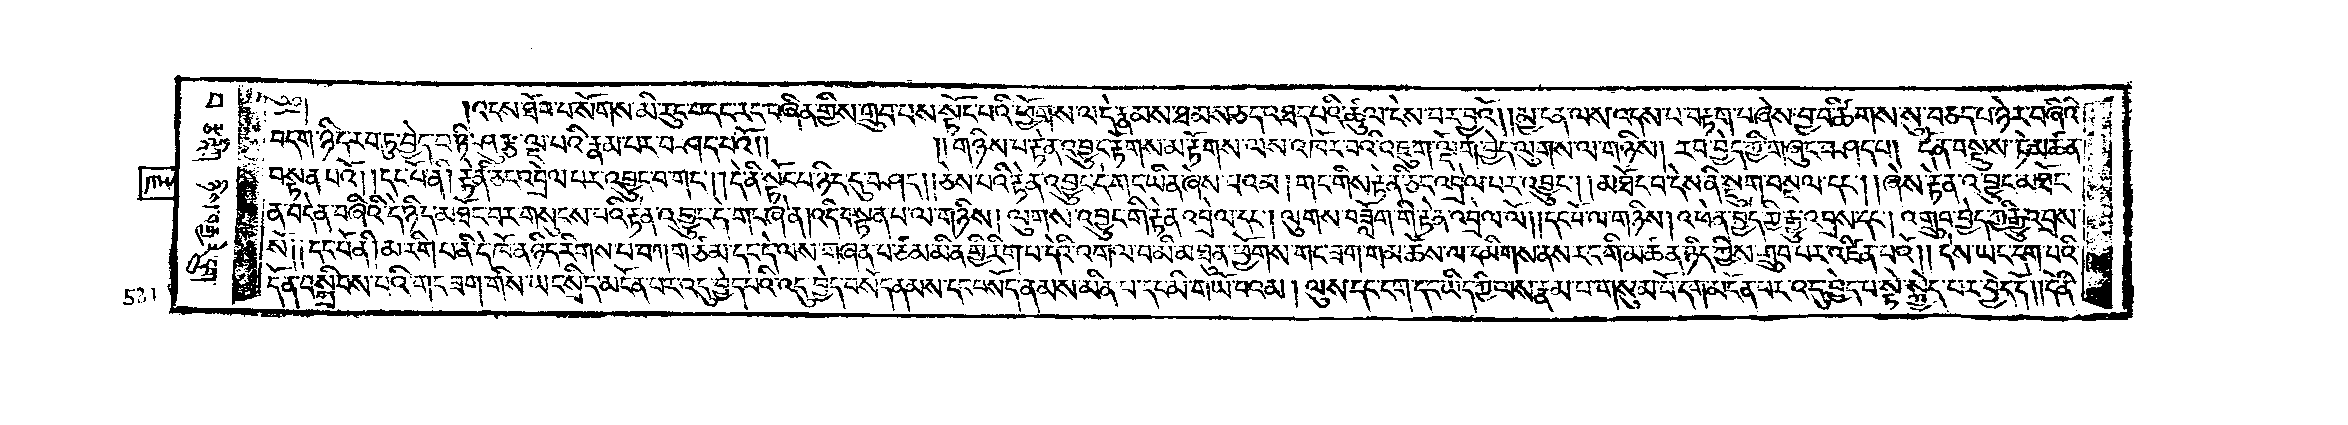༄༅། །འདས་ཐོབ་པ་སོགས་མེ་རུང་བ་དང་རང་བཞིན་གྱིས་གྲུབ་པས་སྟོང་པའི་ཕྱོགས་ལ་དེ་རྣམས་ཐམས་ཅད་འཐད་པའི་ཚུལ་ངེས་པར་བྱའོ། །མྱ་ངན་ལས་འདས་པ་བརྟག་པ་ཞེས་བྱ་བ་ཚིགས་སུ་བཅད་པ་ཉེར་བཞིའི་
བདག་ཉིད་རབ་ཏུ་བྱེད་པ་ཉི་ཤུ་རྩ་ལྔ་པའི་རྣམ་པར་བཤད་པའོ།། །།གཉིས་པ་རྟེན་འབྱུང་རྟོགས་མ་རྟོགས་ལས་འཁོར་བའི་འཇུག་ལྡོག་བྱེད་ལུགས་ལ་གཉིས། རབ་བྱེད་ཀྱི་གཞུང་བཤད་པ། དོན་བསྡུས་ཏེ་མཚོན་
བསྟན་པའོ། །དང་པོ་ནི། རྟེན་ཅིང་འབྲེལ་པར་འབྱུང་བ་གང་། །དེ་ནི་སྟོང་པ་ཉིད་དུ་བཤད། །ཅེས་པའི་རྟེན་འབྱུང་དེ་གང་ཡིན་ཞེས་པའམ་གང་གིས་རྟེན་ཅིང་འབྲེལ་པར་འབྱུང་། །མཐོང་བ་དེས་ནི་སྡུག་བསྔལ་དང་། །ཞེས་རྟེན་འབྱུང་མཐོང་
ན་བདེན་བཞིའི་དེ་ཉིད་མཐོང་བར་གསུངས་པའི་རྟེན་འབྱུང་དེ་གང་ཞེ་ན། འདི་བསྟན་པ་ལ་གཉིས། ལུགས་འབྱུང་གི་རྟེན་འབྲེལ་དང་། ལུགས་བཟློག་གི་རྟེན་འབྲེལ་ལོ། །དང་པོ་ལ་གཉིས། འཕེན་བྱེད་ཀྱི་རྒྱུ་འབྲས་དང་། འགྲུབ་བྱེད་ཀྱི་རྒྱུ་འབྲས་
སོ༑ ༑དང་པོ་ནི། མ་རིག་པ་ནི་དེ་ཁོ་ན་ཉིད་རིགས་པ་བཀག་ཙམ་དང་དེ་ལས་གཞན་པ་ཙམ་མིན་གྱི་རིག་པ་དེའི་འགལ་བ་མི་མཐུན་ཕྱོགས་གང་ཟག་གམ་ཆོས་ལ་དམིགས་ནས་རང་གི་མཚན་ཉིད་ཀྱིས་གྲུབ་པར་འཛིན་པའོ། །དེས་ཡང་དག་པའི་
དོན་བསྒྲིབས་པའི་གང་ཟག་གིས་ཡང་སྲིད་མངོན་པར་འདུ་བྱེད་པའི་འདུ་བྱེད་བསོད་ནམས་དང་བསོད་ནམས་མིན་པ་དང་མི་གཡོ་བའམ། ལུས་དང་ངག་དང་ཡིད་ཀྱི་ལས་རྣམས་པ་གསུམ་པོ་དག་མངོན་པར་འདུ་བྱེད་པ་སྟེ་སྐྱེད་པར་བྱེ་དོ། །དེ་ནི་